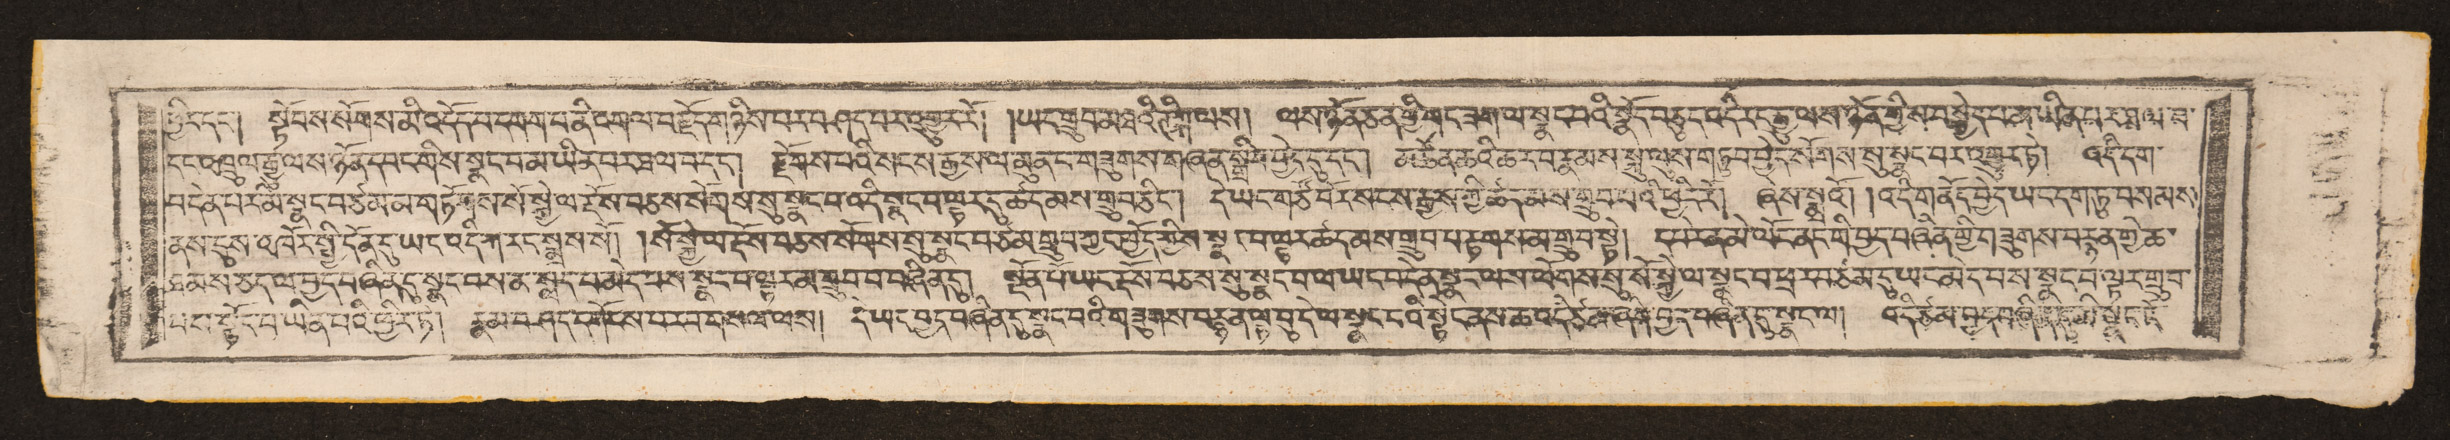ཕྱིར་དང་། སྟོངས་སོགས་མི་འདོད་པ་དགག་པ་ནི་འགལ་བརྗོད་གཉིས་པར་བཤད་པར་འགྱུར་རོ། །ཡང་གྲུབ་མཐའི་ཊིཀྐ་ལས། ལས་ཉོན་ཅན་གྱི་གང་ཟག་ལ་སྣང་བའི་སྣོད་བཅུད་འདི་རང་རྒྱུ་ལས་ཉོན་གྱིས་བསྐྱེད་པ་མ་ཡིན་པར་ཐལ་བ་
དང་འཁྲུལ་རྒྱུ་ལས་ཉོན་དབང་གིས་སྣང་བ་མ་ཡིན་པར་ཐལ་བ་དང་། རྫོགས་བའི་སངས་རྒྱས་ལ་མུན་པ་གཟུགས་གཞན་སྒྲིབ་བྱེད་དུ་དང་། མཚན་ཆའི་ཆར་བ་རྣམས་སྐུ་ལུས་གཏུབ་བྱེད་སོགས་སུ་སྣང་བར་འགྱུར་ཏེ། འདི་དག་
བདེན་པར་མི་སྣང་བ་ཙམ་མ་གཏོགས་སོ་སྐྱེ་ལ་རྡོས་བཅས་སོགས་སུ་སྣང་བ་འདི་སྣང་བ་ལྟར་དུ་ཚད་མས་གྲུབ་ཅིང་། དེ་ཡང་གཙོ་བོར་སངས་རྒྱས་ཀྱི་ཚད་མས་གྲུབ་པའི་ཕྱིར་རོ། ཞེས་སྨྲའོ། །འདི་གནོད་བྱེད་ཡང་དག་ཏུ་བསམས་
ནས་དུས་འཁོར་སྤྱི་དོན་དུ་ཡང་འདི་ཀ་རང་སྨྲས་སོ། །སོ་སྐྱེ་ལ་རྡོས་བཅས་སོགས་སུ་སྣང་བ་ཙམ་གྲུབ་ཀྱང་ཁྱོད་ཀྱིས་སྣང་བ་ལྟར་ཚད་མས་གྲུབ་བ་རྟགས་མ་གྲུབ་སྟེ། དཔེར་ན་མེ་ལོང་ནང་གི་བྱད་བཞིན་གྱི་གཟུགས་བརྙན་གྱི་ཆ་
ཐམས་ཅད་ལ་བྱད་བཞིན་དུ་སྣང་བསམ་སླད་པ་མེད་པས་སྣང་བ་ལྟར་མ་གྲུབ་པ་བཞིན་དུ། སྔོན་པོ་ཡང་རྡོས་བཅས་སུ་སྣང་བ་ལ་ཡང་བདེན་སྣང་ལས་ལོགས་སུ་སོ་སྐྱེ་ལ་སྣང་བ་ཕྲར་བཙམ་དུ་ཡང་མེད་པས་སྣང་བ་ལྟར་གྲུབ་
པས་སྟོང་པ་ཡིན་པའི་ཕྱིར་ཏེ། རྣམ་བཤད་དགོངས་པ་རབ་གསལ་ལས། དེ་ཡང་བྱད་བཞིན་དུ་སྣང་བའི་གཟུགས་བརྙན་ལྟ་བུ་དེ་ལ་སྣང་བའི་སྟེང་ནས་ཆ་འདི་ཙམ་ཞིག་བྱད་བཞིན་དུ་སྣང་ལ། འདི་ཙམ་བྱེད་བཞིན་དུ་མི་སྣང་ངོ་